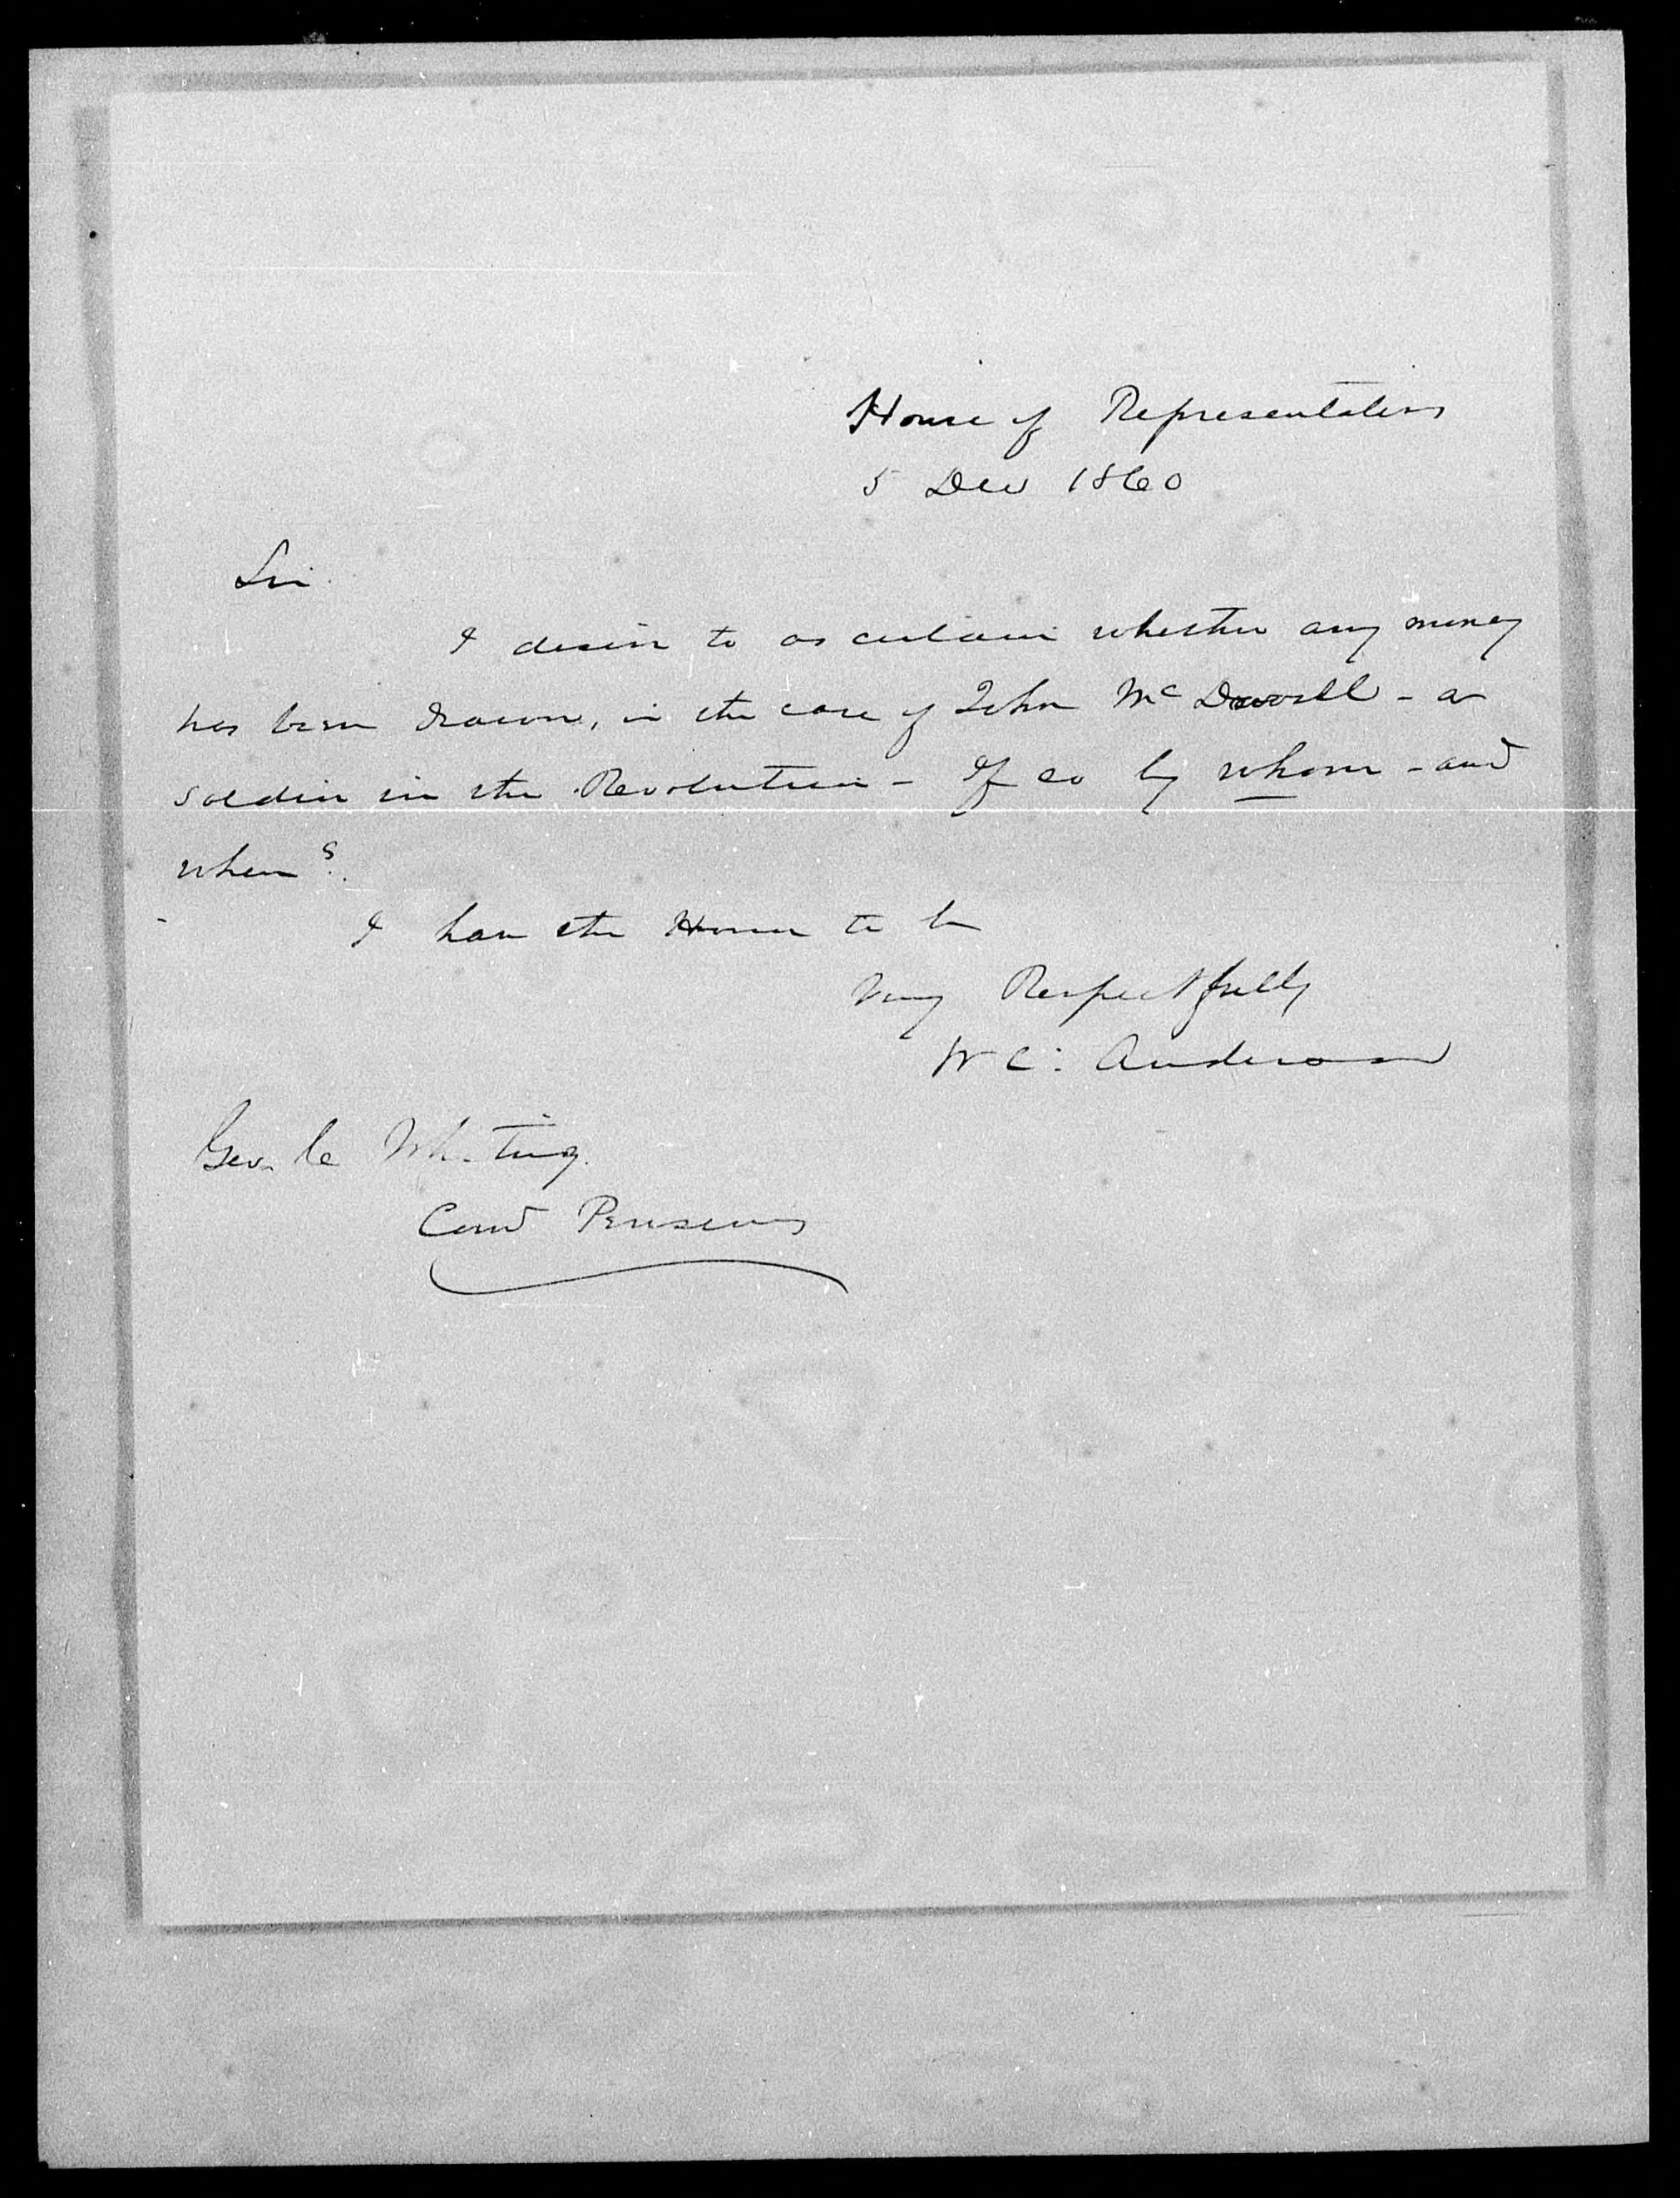House of Representatives
5 Dec 1860

Sir;
I desire to ascertain whether any money
has been drawn, in the care of John McDowell,--
a soldier in the Revolution-- if so by whom and
when?
I have the honor to be
Very Respectfully
WC Anderson

Gen (General)  C  Whiting
Court Pensions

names: Geo C Whiting; John Mc Dowell; W C Anderson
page: 17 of 47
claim: survivor's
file: S. 30578, for John Mc Dowell, Virginia